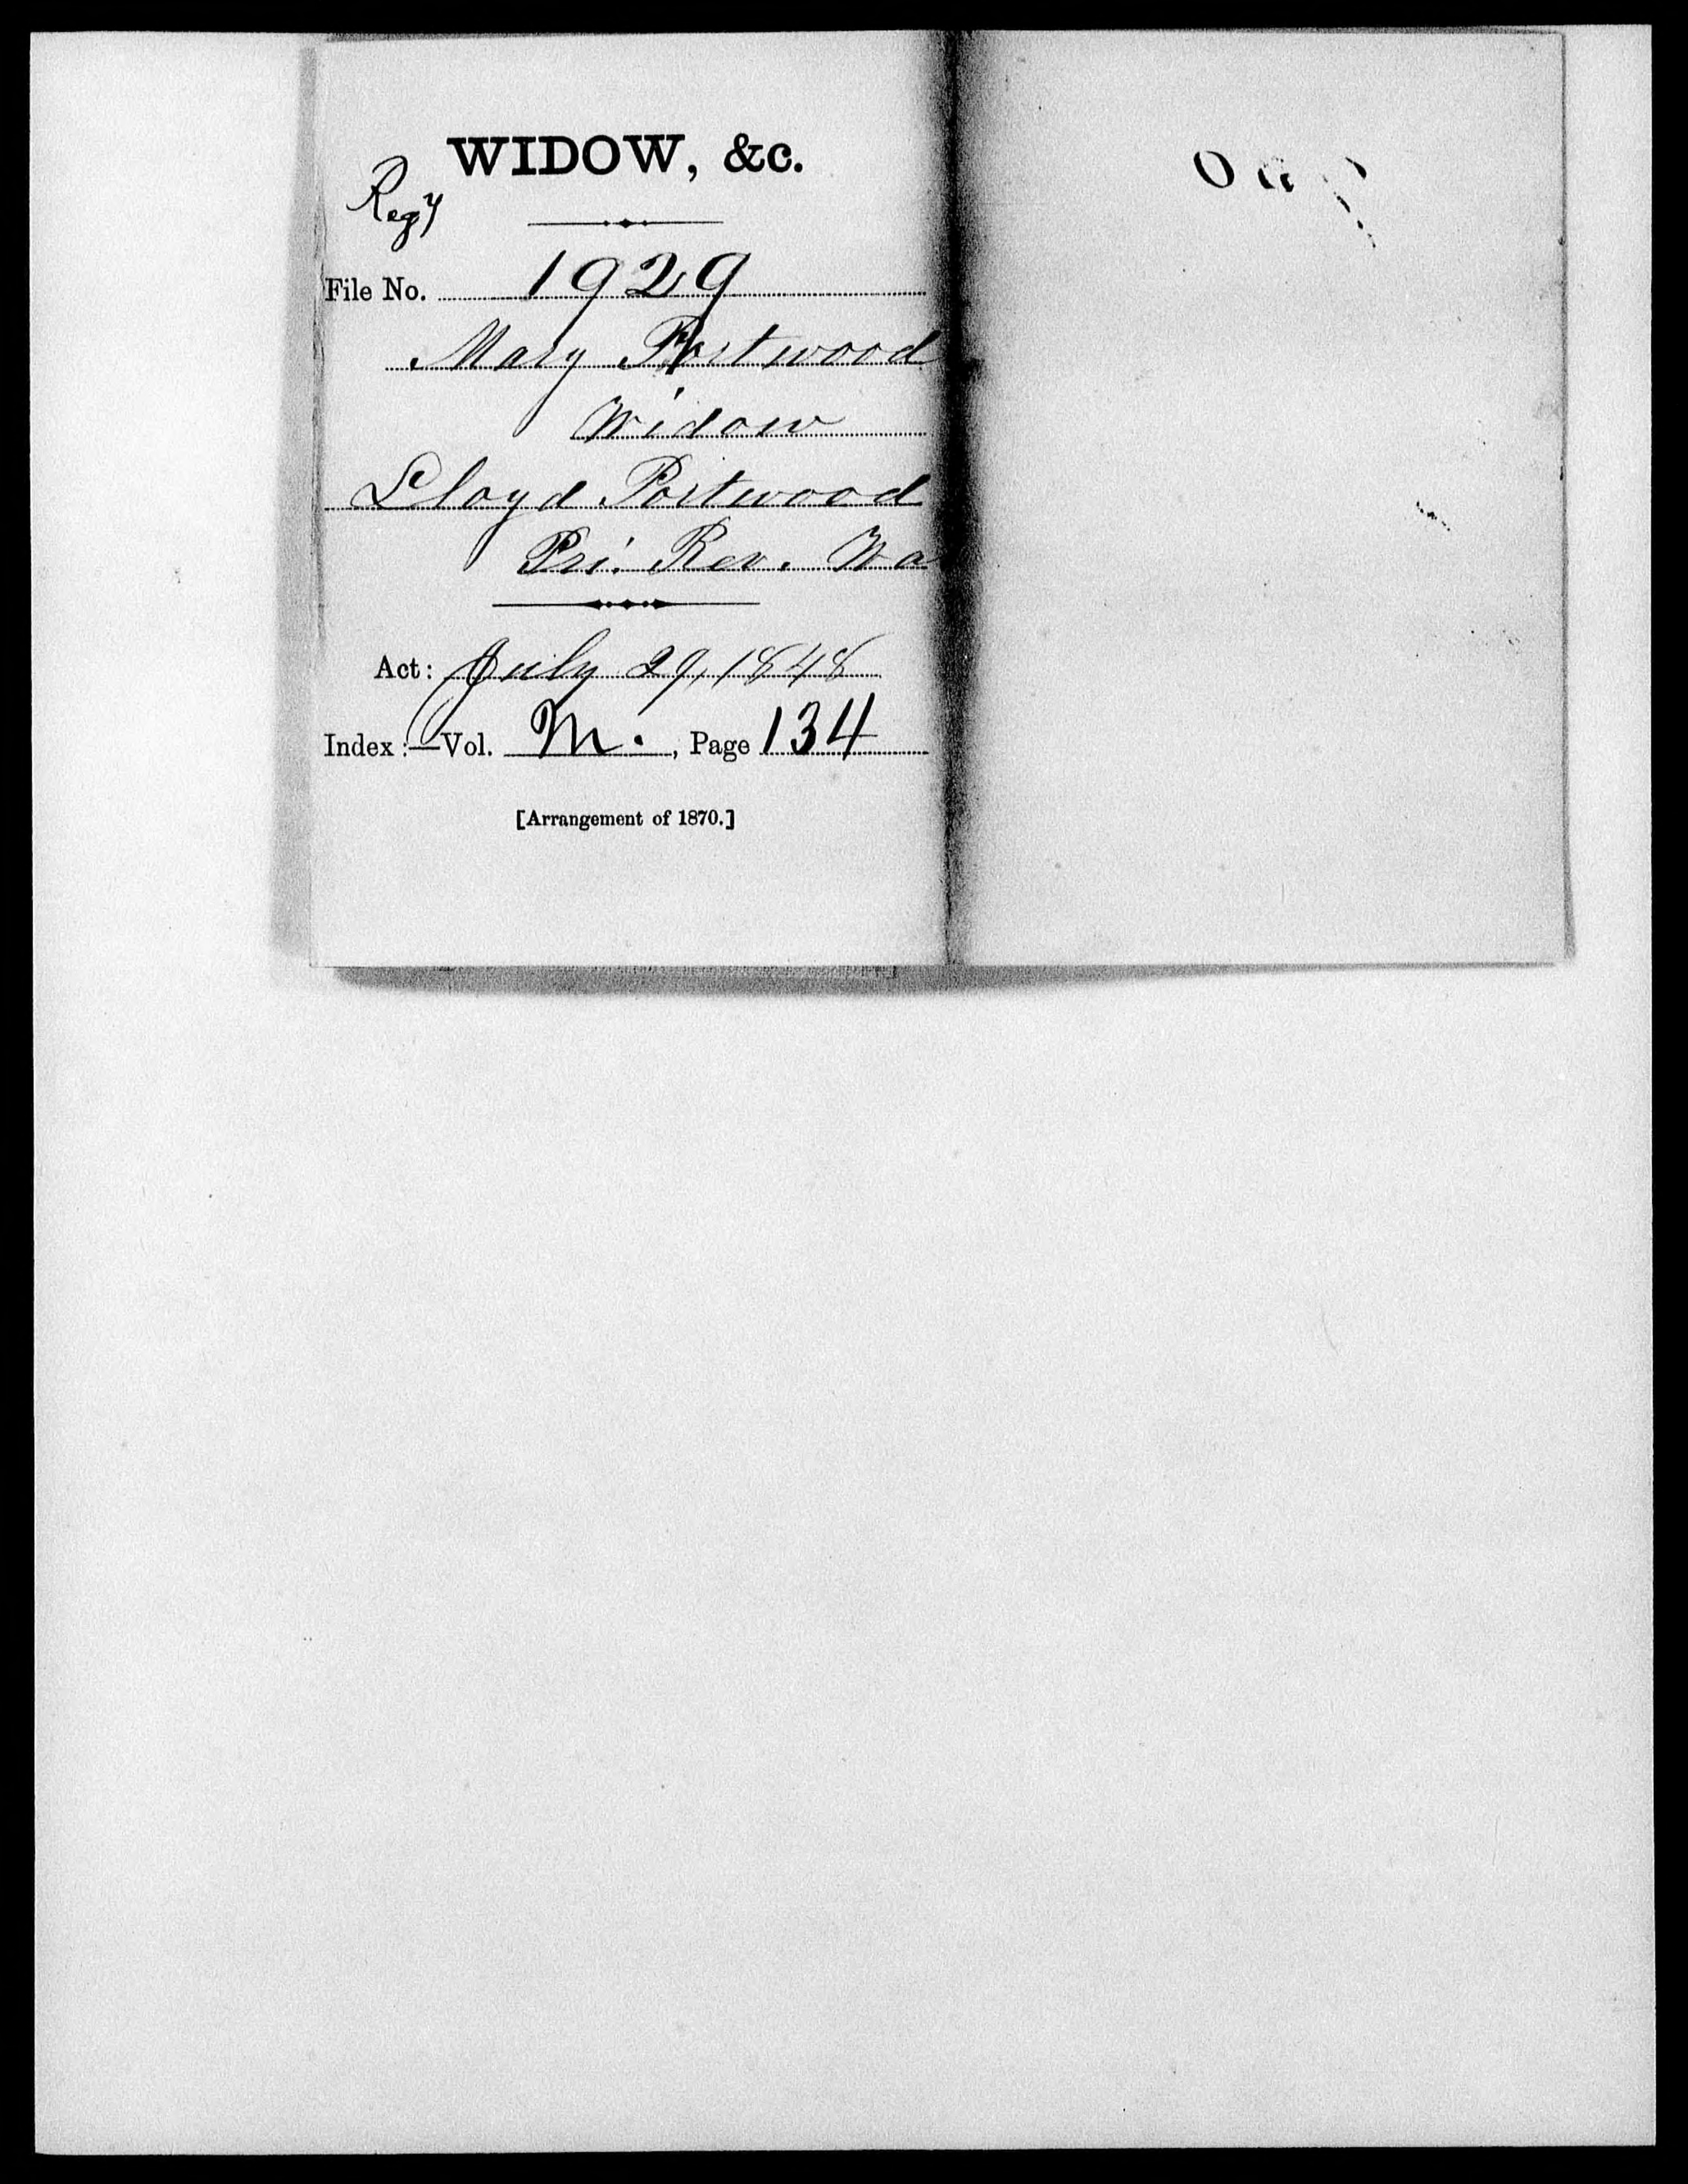WIDOW, &c.
Regt
File No. 1929
Mary Portwood
Widow
Lloyd Portwood
Pri'. Rev. War
Act: July 29, 1848
Index: --Vol. M., Page 134
[Arrangement of 1870.]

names: Lloyd Portwood; Mary Portwood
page: 29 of 50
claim: widow's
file: W. 1929, for Lloyd Portwood, Virginia